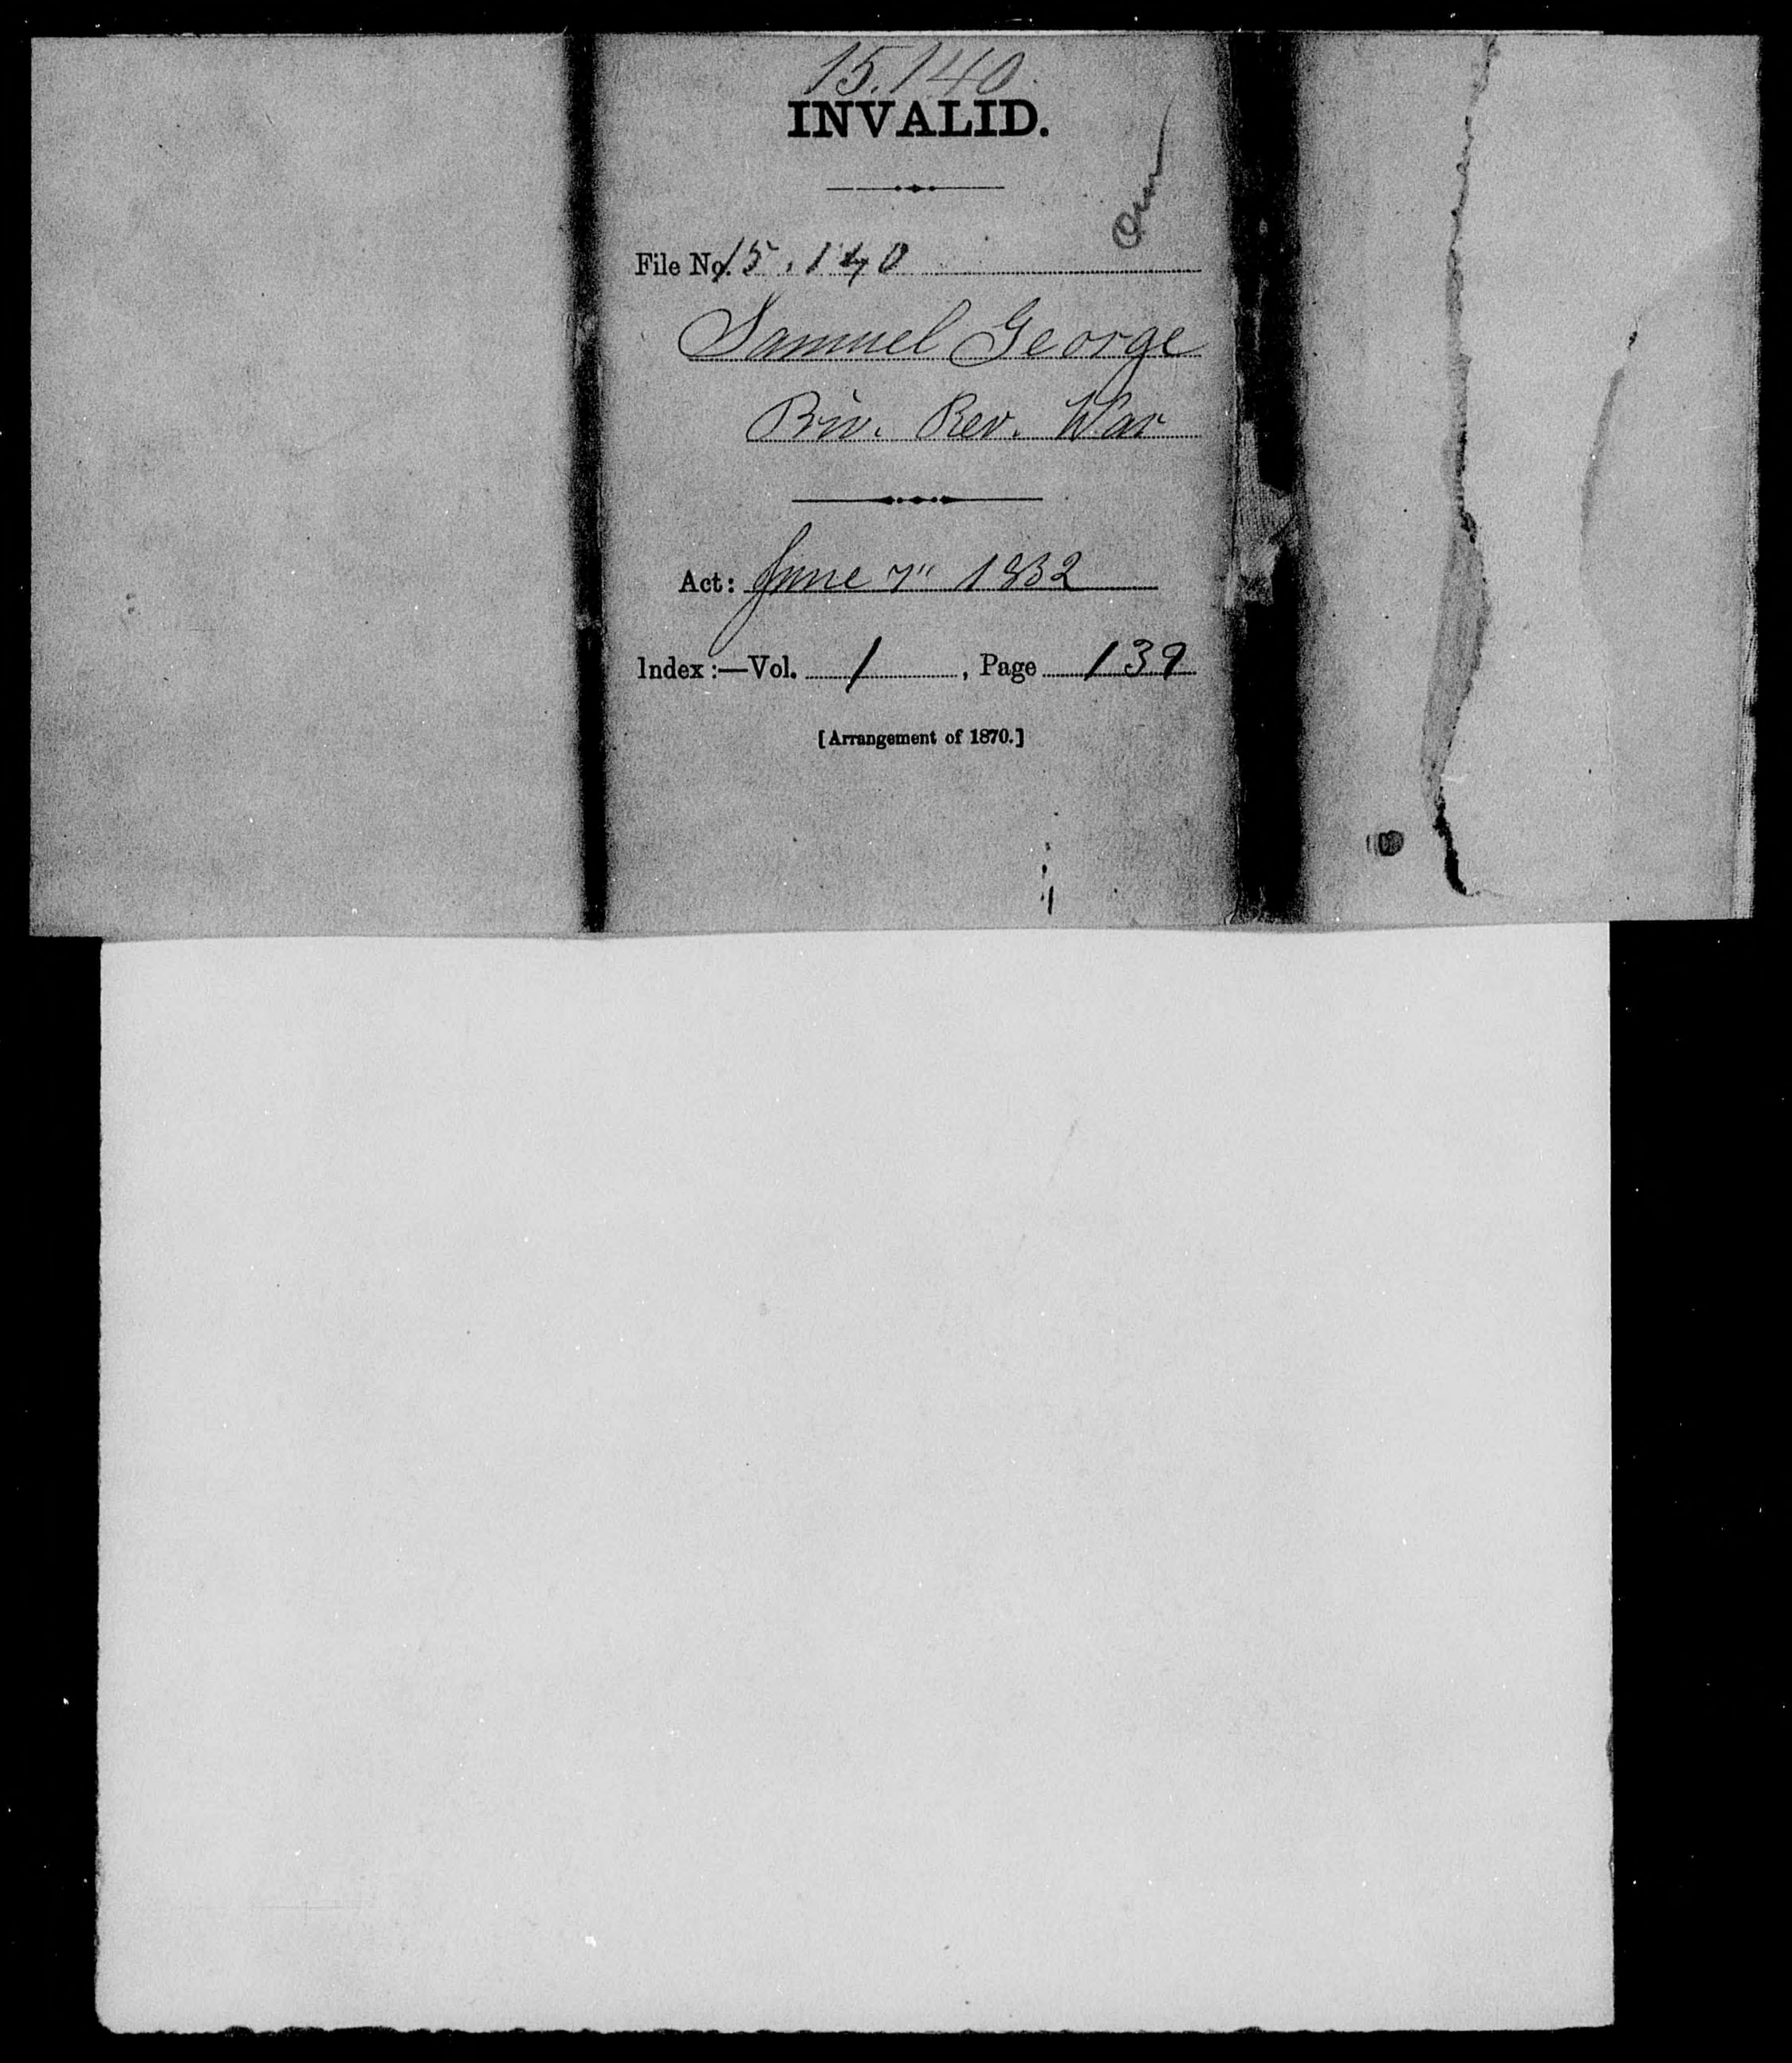15.140
INVALID.

File No. 15.140
Samuel George
Rw. Rev. War

Act: June 7th 1832
Index: - Vol. 1, Page 139

[Arrangement of 1870.]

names: Samuel George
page: 6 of 19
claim: survivor's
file: S. 15140, Samuel George, N.H.